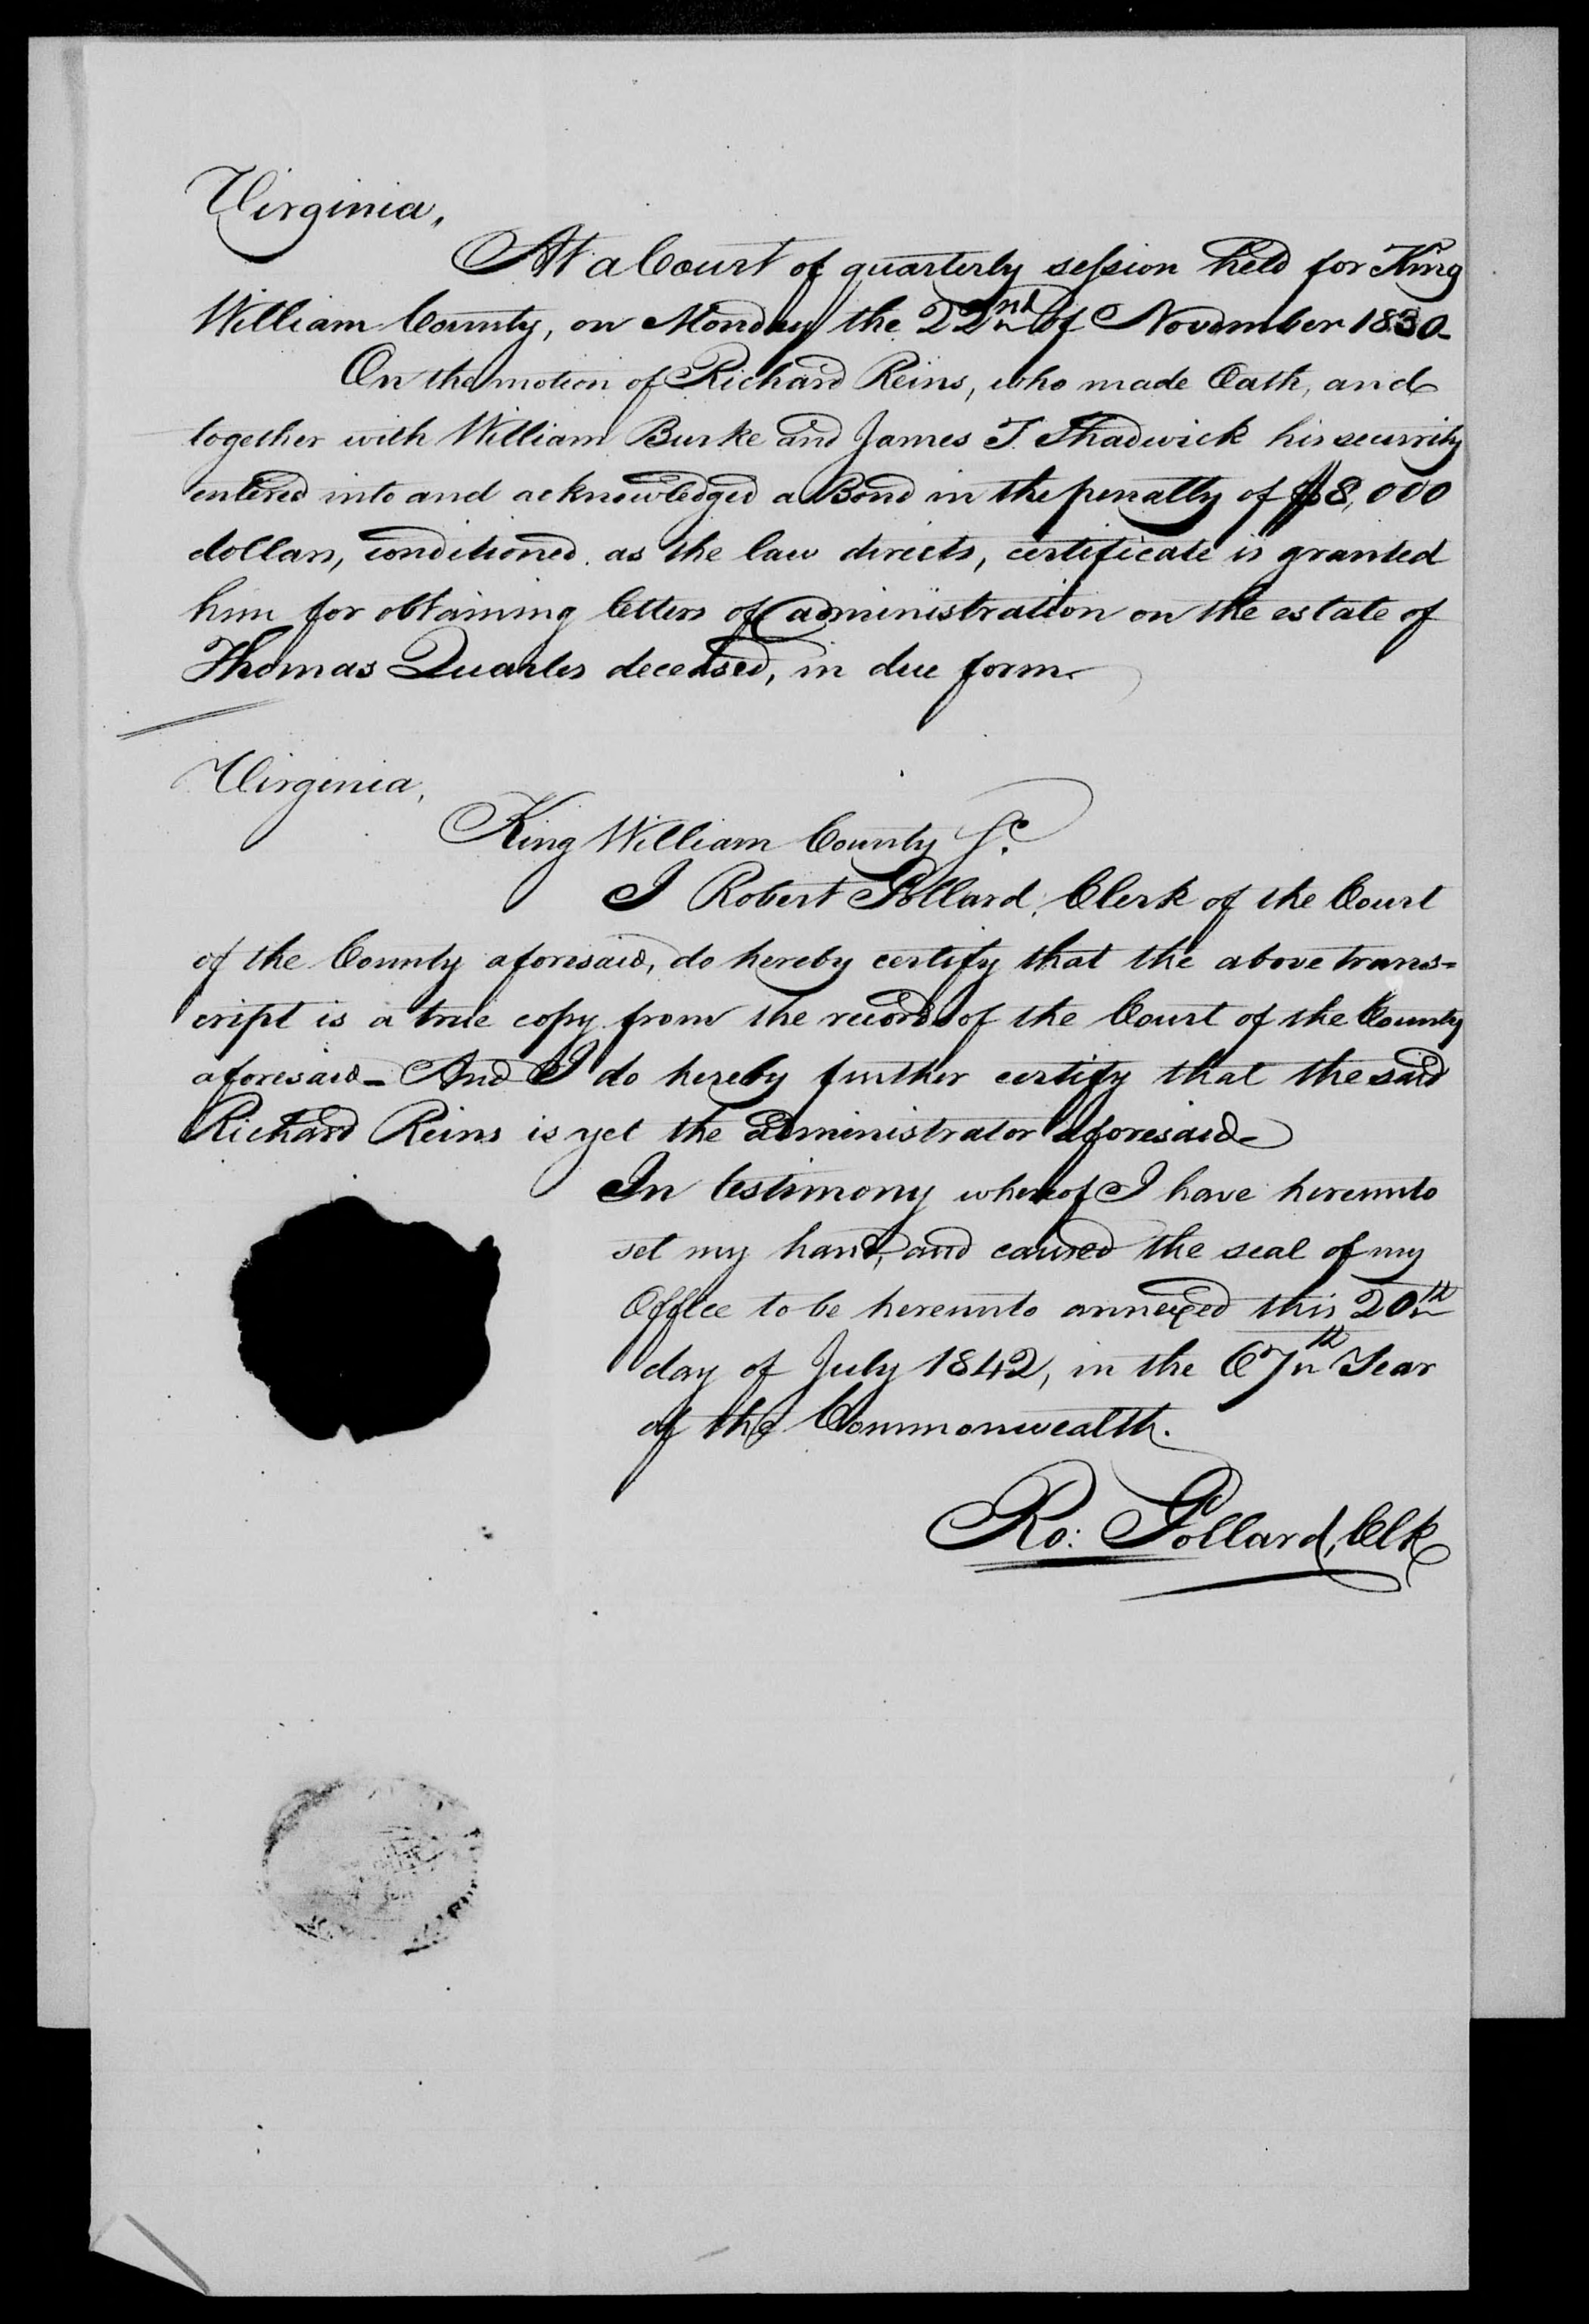Virginia,

At a Court of quarterly session ? for King William County, on Monday the 22nd of November 1830.

On the motion of Richard Reins, who made oath, and together with William Burke and James T. Shadwick his security entered into and acknowledged a Bond in the penalty of $8,000 dollars, conditioned as the law directs, certificate is granted him for obtaining letter of administration on the estate of Thomas Quarles deceased, in due form.

Virginia,
King William County SS

I Robert Pollard, Clerk of the Court of the County aforesaid, do hereby certify that the above transcript is a true copy from the record of the Court of the County aforesaid. And I do hereby further certify that the said Richard Reins is yet the administrator aforesaid.

In testimony whereof I have hereunto set my hand, and caused the seal of my Office to be hereunto annexed this 20th day of July 1842, in the 67th year of the Commonwealth.

Ro: Pollard, Clk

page: 17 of 22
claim: rejected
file: R. 17251, for Thomas Quarles, Virginia